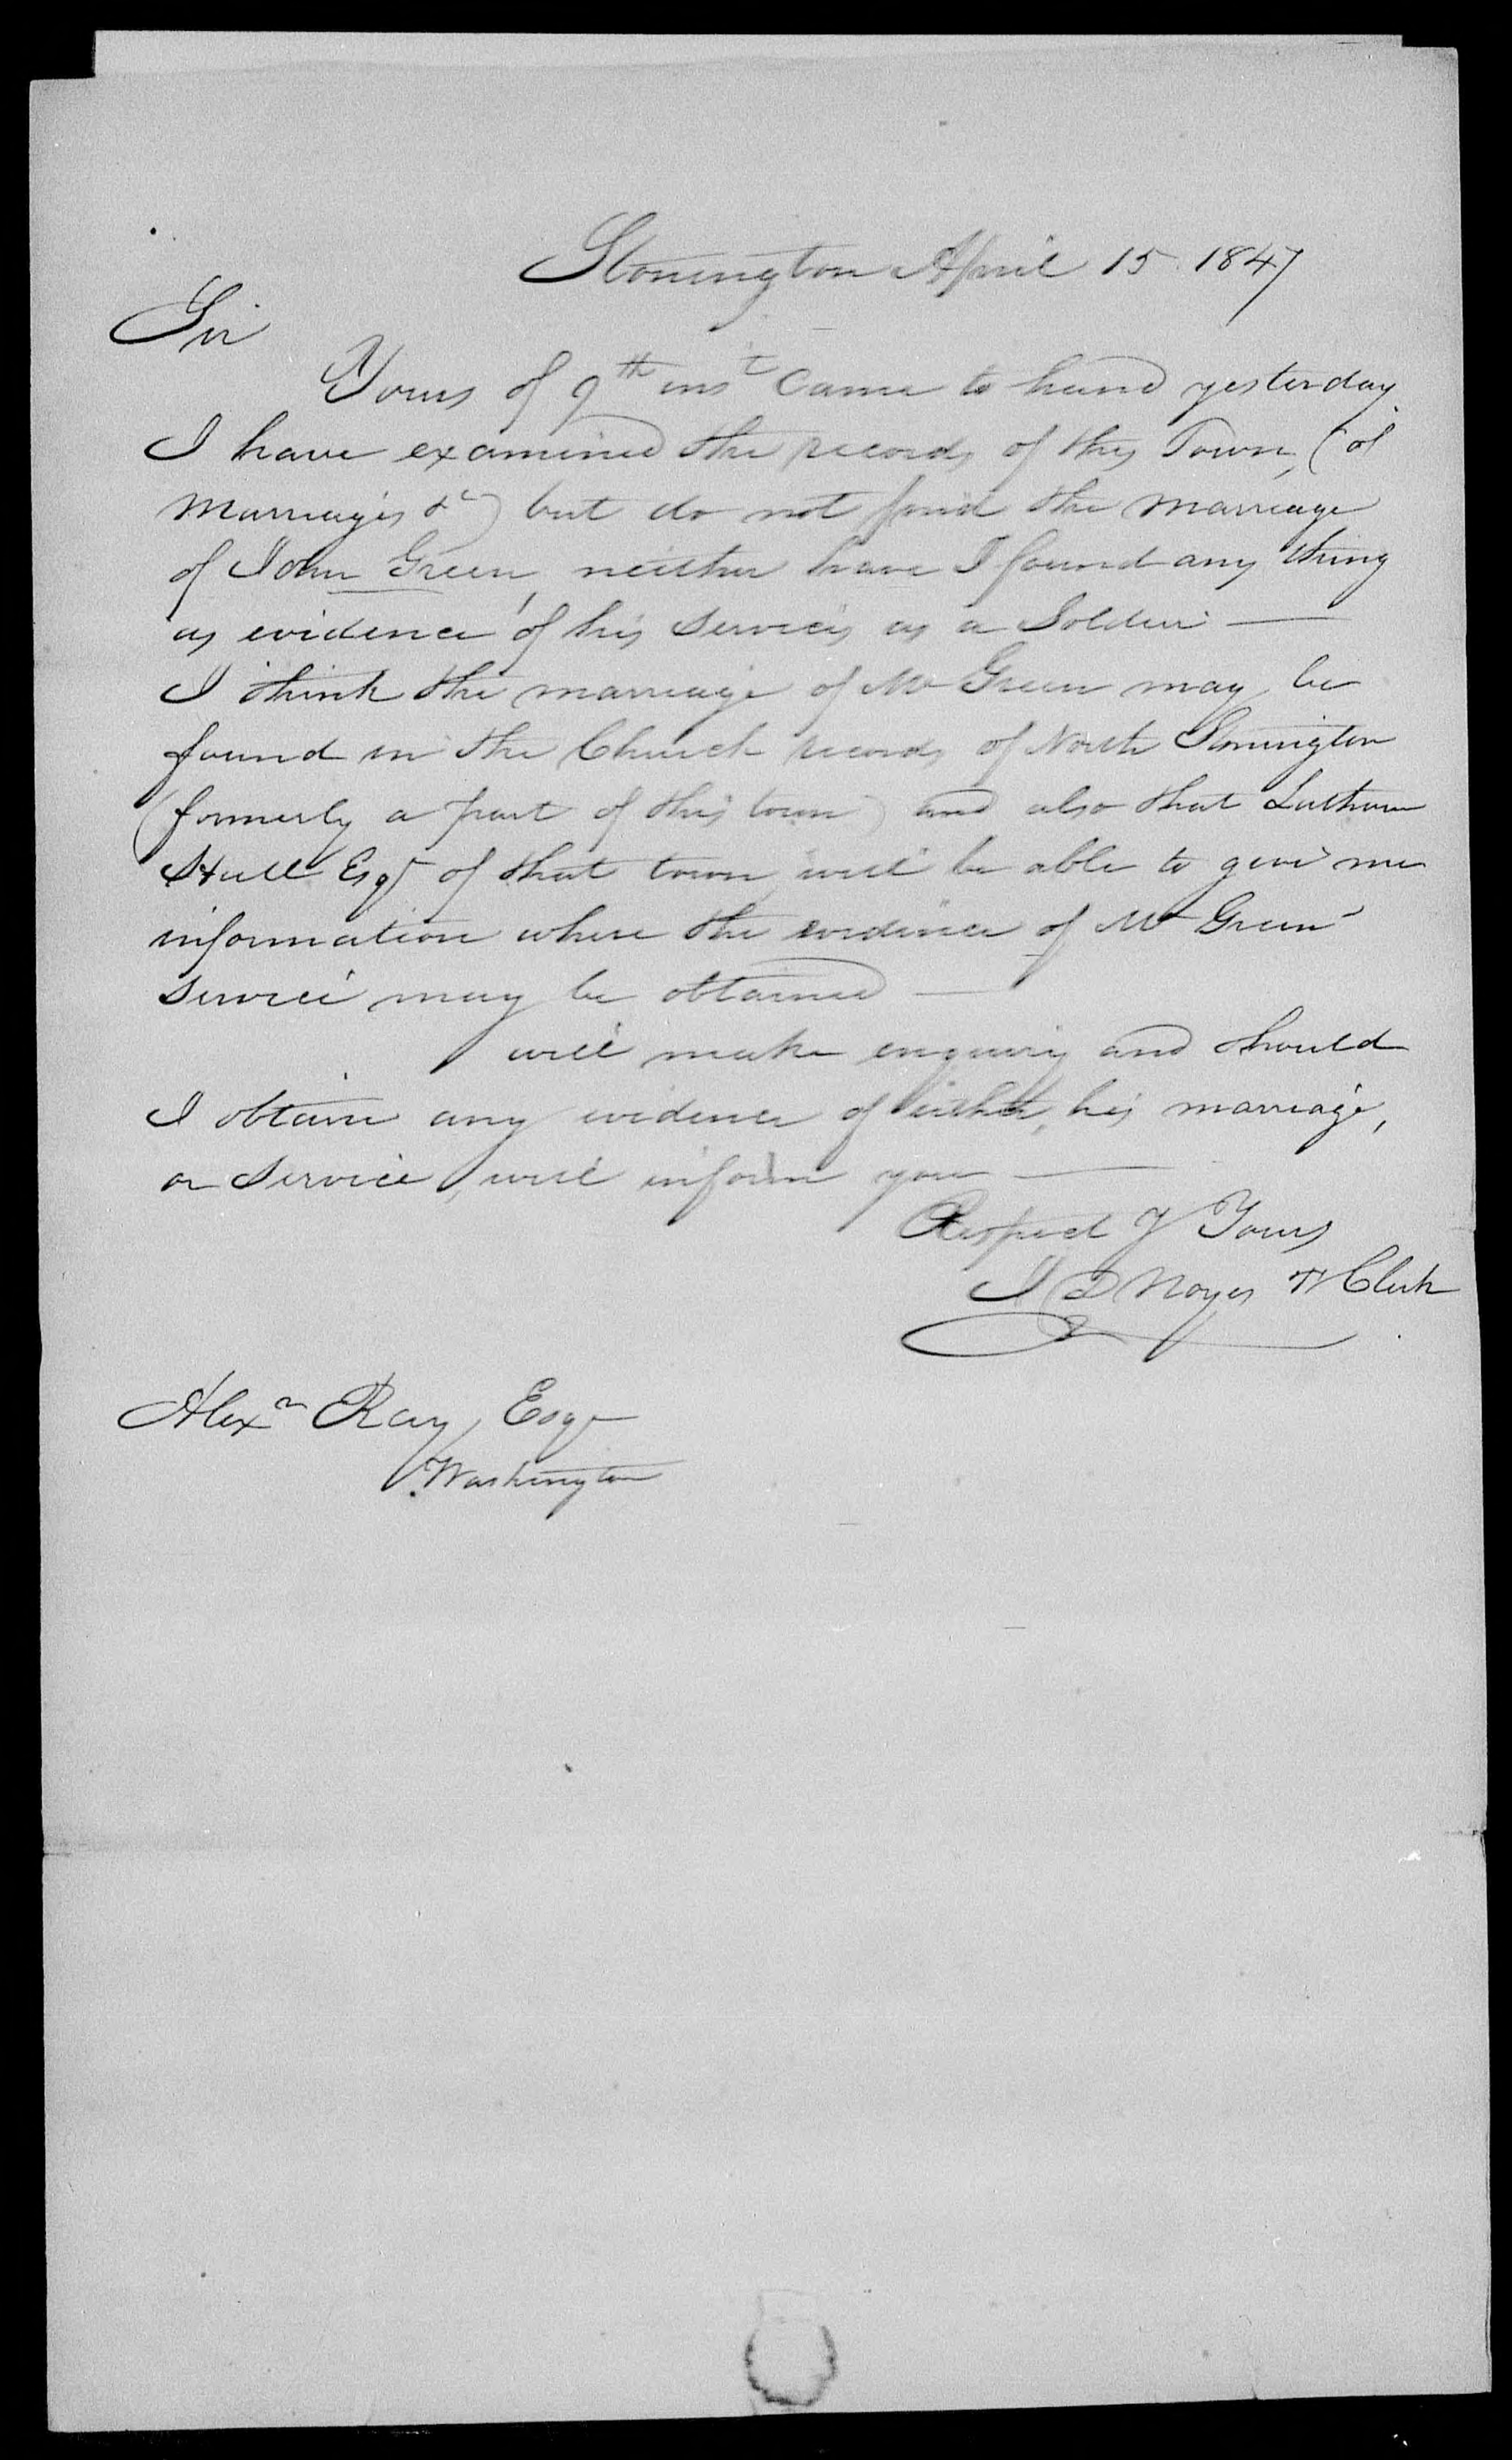Stonington April 15 1847
Sir
Yours of 7th inst came to hand yesterday. I have examined the record of the Town (of marriages) but do not find the marriage of John Green, neither have I found any thing as evidence of his service as a soldier—
I think the marriage of Mr. Green may be found in the Church records of North Stonington (formerly a part of this town) and also that Luther Hull Esq of that town will be able to give me information where the evidence of Mr. Green's service may be obtained—
I will make inquiries and should I obtain any evidence of either his marriage or service, I will inform you—
Respectfully Yours, 
J. D. Noyes T Clerk

Alex Ray Esq
Washington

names: J D Noyes, John Green, Green, Alexr Ray, Latham Hall, Green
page: 34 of 40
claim: rejected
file: R. 4251, John Green, Conn.